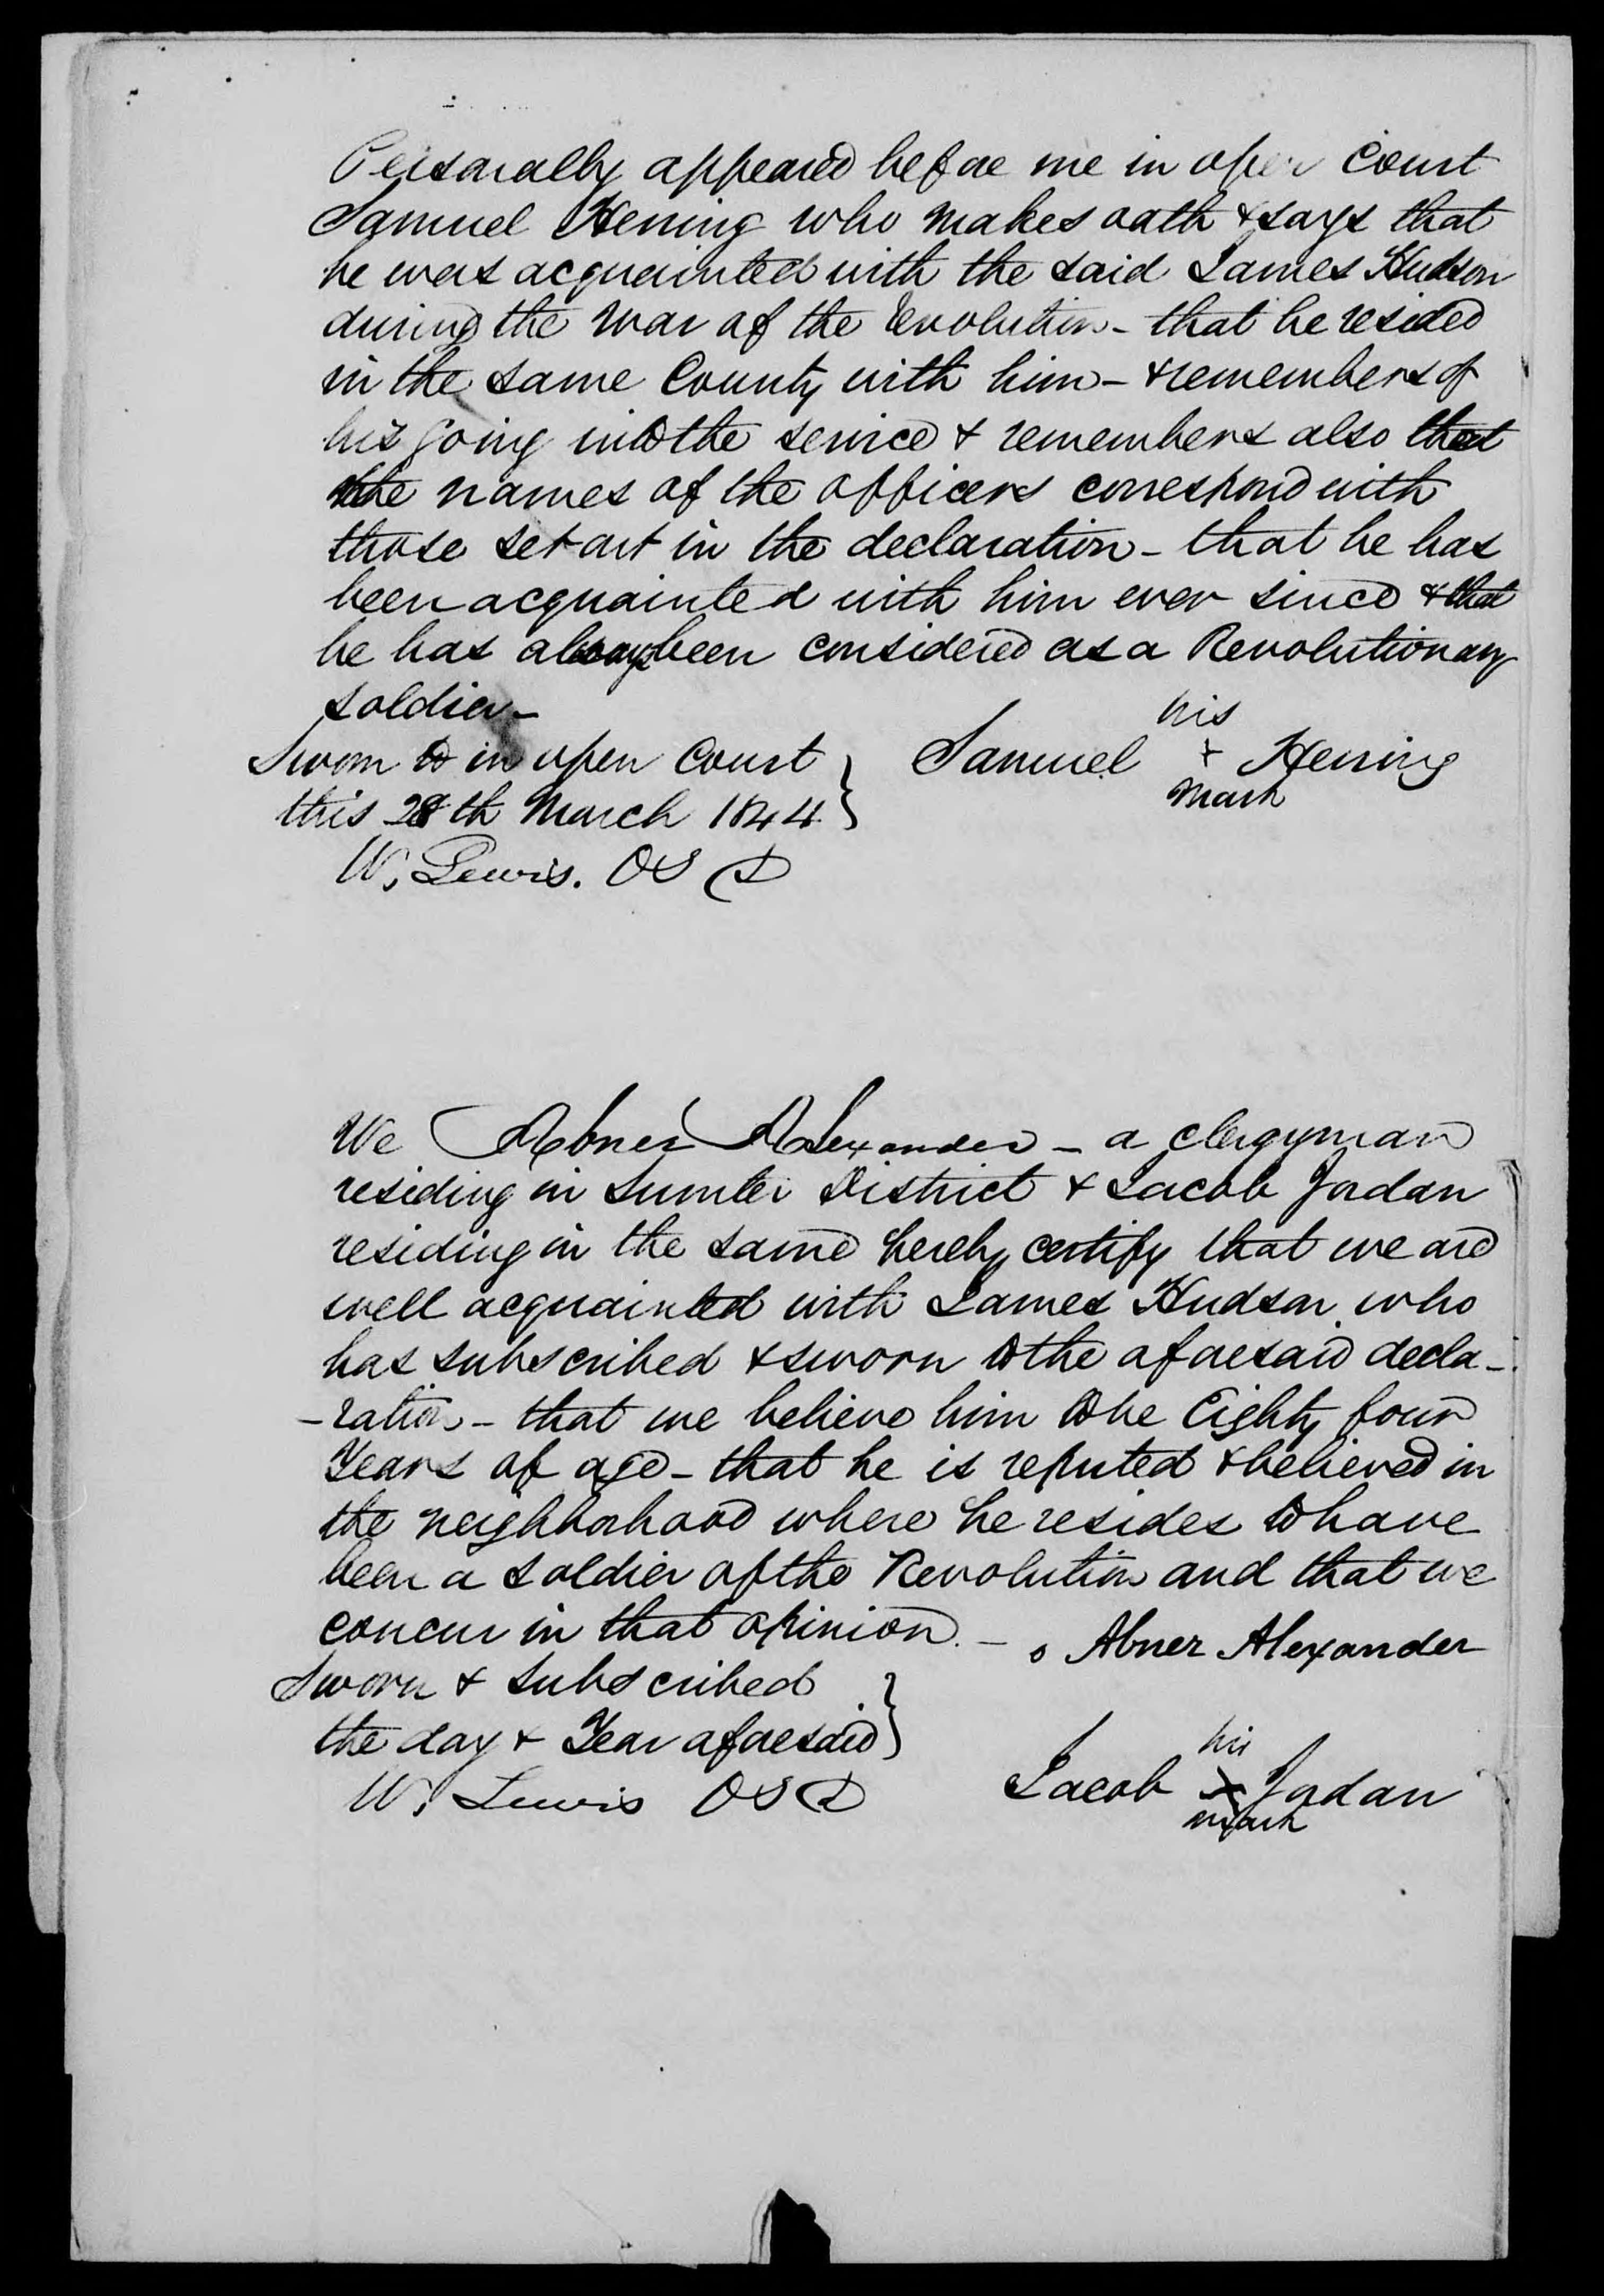Personally appeared before me in open court Samuel Herring who makes oath & says that he was acquainted with the said James Hudson during the War of the Revolution that he resided in the same County with him & remembers of his going into the service & remembers also that the names of the officers correspond with those set out in the declaration that he has been acquainted with him ever since & that he has always been considered as a Revolutionary soldier. Sworn to in open court this 28th March 1844 W. Lewis, OSD Samuel + Herring his mark

We Abner Alexander a clergymanresiding in Sumter District and Jacob Jordan residing in the same certify that we are well acquainted with James Hudson who has subsscribed & sworn the aforesaid declaration that we believe him to be Eight four Years of age that he is reputed & believed in the neighborhood where he resides to have been a soldier of the Revolution and that we concur in that opinion. Sworn & Subscribed the day and Year aforesaid W Lewis OSD Jacob + Jordan his mark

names: James Hudson, Jacob Jordan, Abner Alexander, Samuel Herring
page: 15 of 33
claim: rejected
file: R. 5334, James Hudson, N.C.